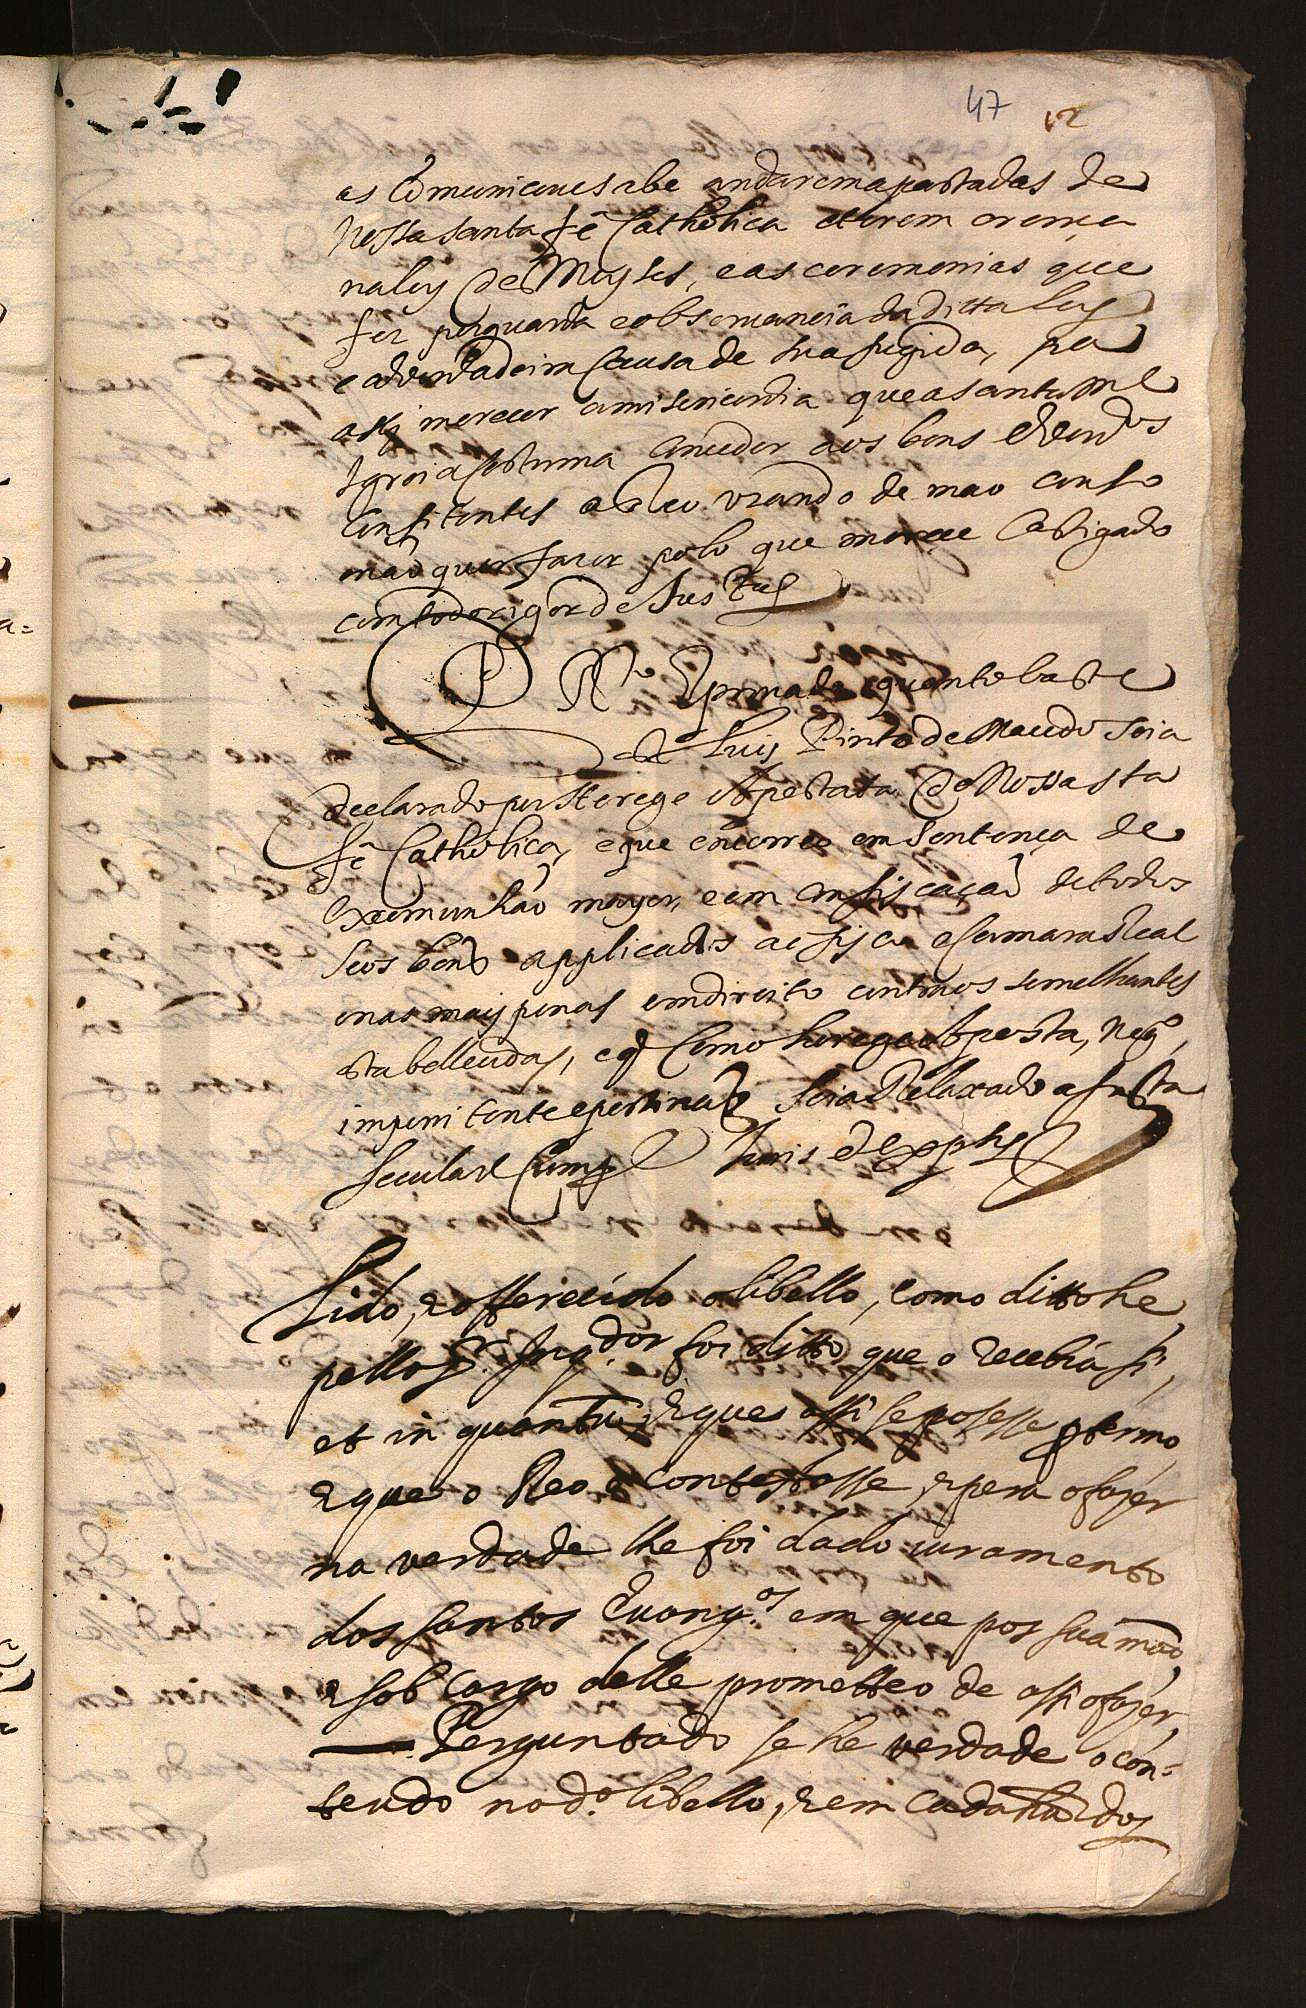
as cōmunicou e sabe andarem apartadas de
nossa santa fê Catholica e terem crença
na ley de Moyses, e as ceremonias que
fez por guarda e obseruancia da ditta Ley
e a verdadeira Causa de sua fugida, pa
assj merecer a misericordia que a santa me
Igreia Costuma conceder aos bons e verdos
confitentes o Reo vzando de mao conso
o naõ quer fazer polo que merece Castigado
com todo rigor de Justas
P R.to E prouado quanto baste
o R Luis Pinto de Macedo seia
declarado por Herege Apostata da nossa sta
fê Catholica, e que encorreo em sentença de
excomunhaõ mayor, e em confiscaçaõ de todos
seos bens applicados ao fisco e Camara Real
e nas mais penas em direito contra os semelhantes
estabellecidas, e q̄ Como herege Aposta, nego
impenitente e pertinaz seia Relaxado a Justa
Secular Cumꝓe Iuris et expsis
Lido, e offerecido o libello, como ditto he
pello s.r Jnq.dor foi ditto que o recebia si,
et in quantū, E que assi se posesse ꝑ termo
E que o Reo o contestasse, E pera o fazer
na verdade lhe foi dado iuramento
dos santos Euang.os em que pos sua mão
E sob cargo delle prometteo de assi o fazer
Perguntado se he verdade o con
teudo no d.o libello, E em cada hū dos
